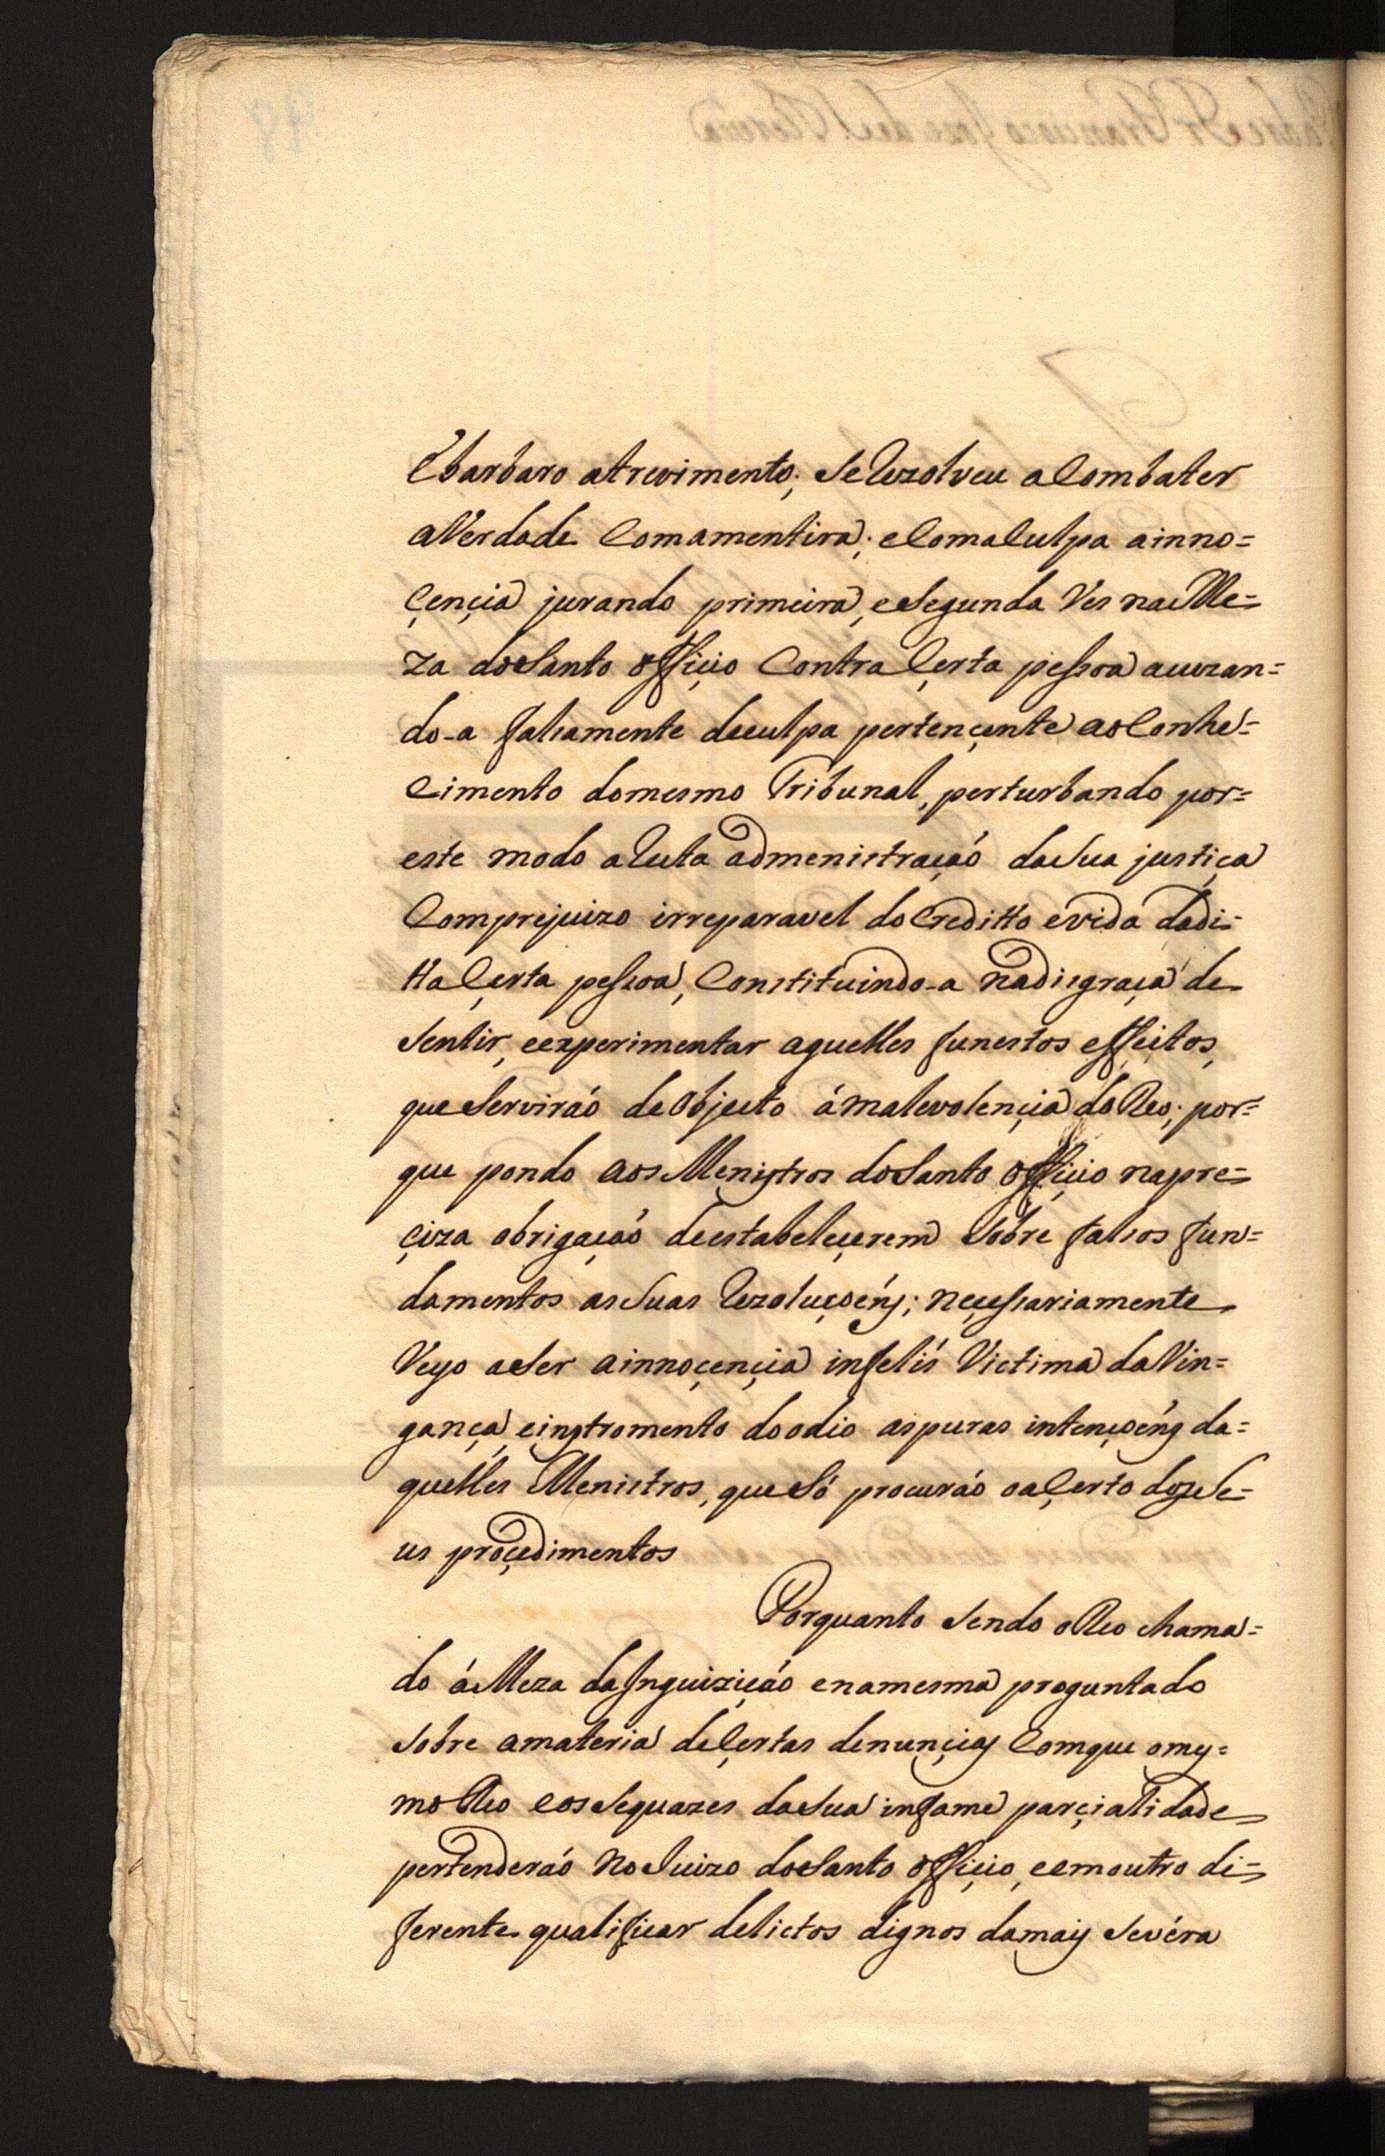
& barbaro atrevimento; se Resolveu a combater
a Verdade com a mentira; e com a Culpa a inno
çençia jurando primeira, e Segunda Ves na Me
za do Santo offiçio Contra Çerta pessoa acuzan
do-a falsamente de culpa pertençente ao Conhe
cimento do mesmo Tribunal, perturbando por
este modo a Recta admenistraçaõ da sua justiça
Com prejuizo irreparavel do creditto e vida da di
tta Çerta pessoa, constituindo-a na disgraça de
sentir, e experimentar aquelles funestos effeittos,
que serviraõ de objecto á malevolençia do Reo; por
que pondo aos Menistros do Santo offiçio na pre
çiza obrigaçaõ de estabeleçerem sobre falsos fun
damentos as suas Resoluçoen̄s; neçessariamente
Veyo a Ser a innoçençia infeliz Victima da Vin
gança, e instromento do odio as puras intençoen̄s da
quelles Menistros, que Só procuraõ o aÇerto dos Se
us proçedimentos
Porquanto sendo o Reo chama
do á Mesa da Jnquizição e na mesma proguntado
sobre a materia de Çertas denunçias com que o mes
mo Reo e os Sequazes da Sua infame parçialidade
pertenderaõ no Iuizo do Santo offiçio, e em outro di
ferente qualificar delictos dignos da mais sevéra
